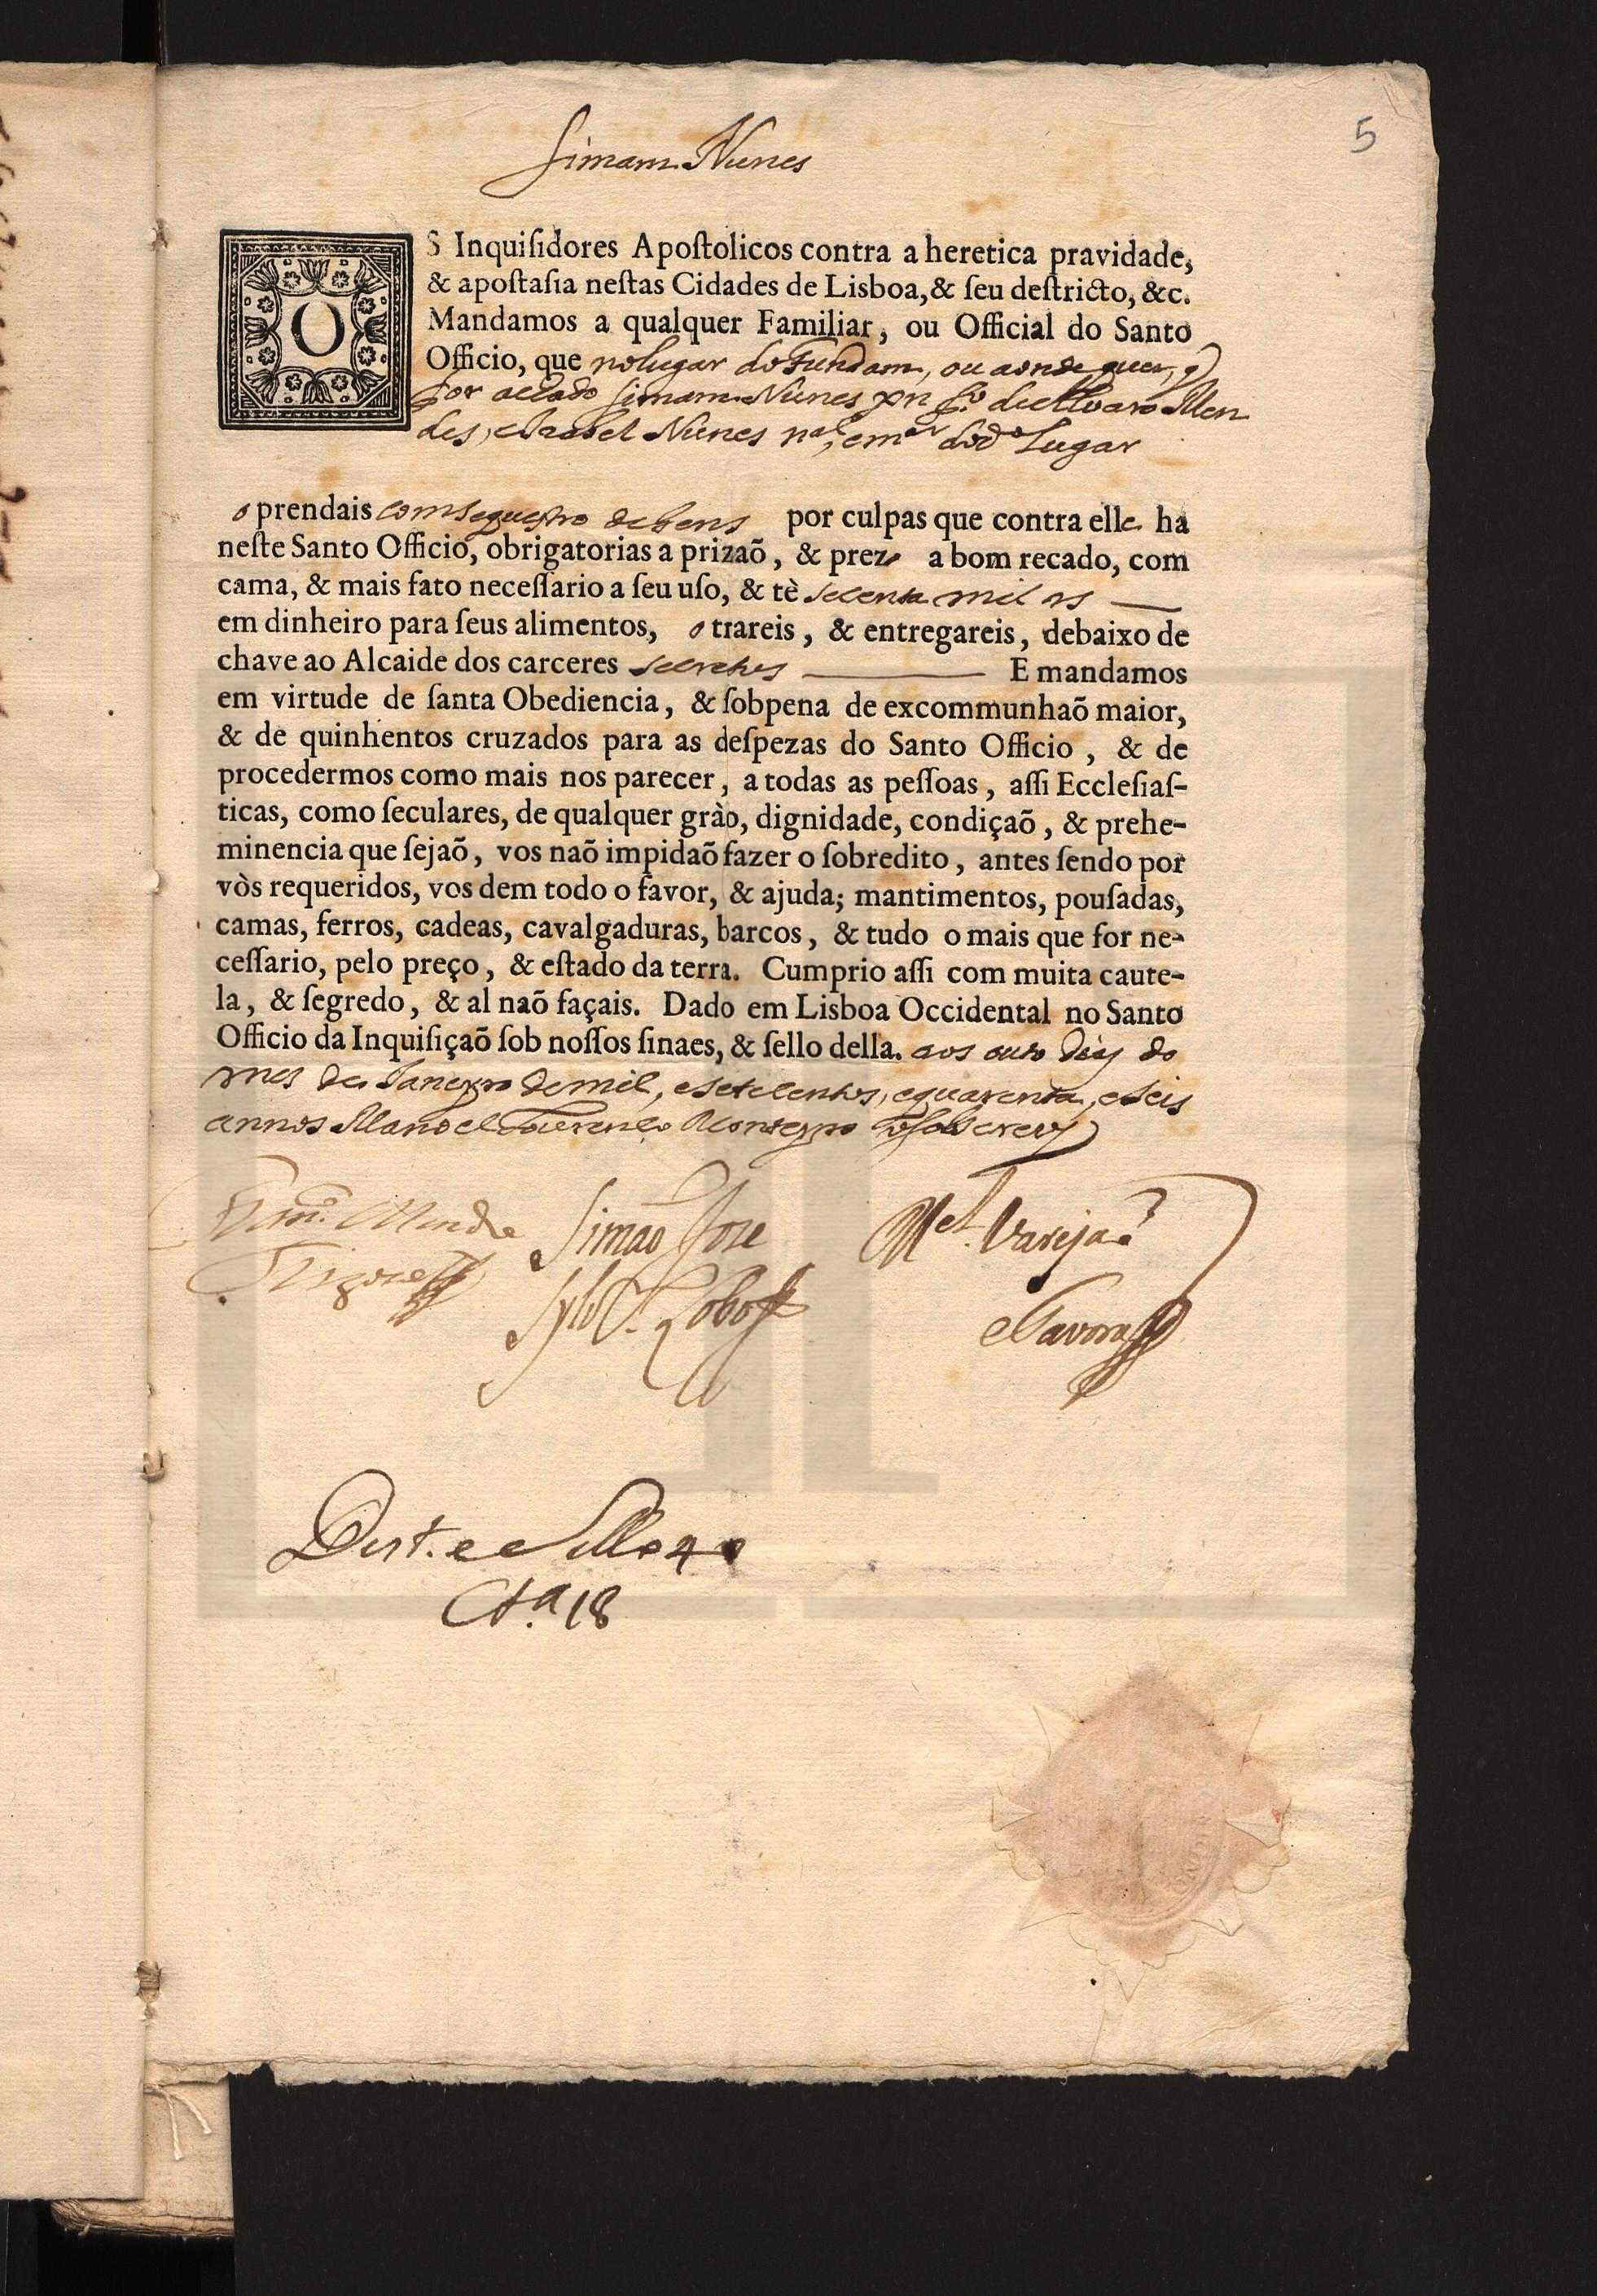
Simam Nunes
O
S Inquisidores Apostolicos contra a heretica pravidade,
& apostasia nestas Cidades de Lisboa, & seu destricto, &c.
Mandamos a qualquer Familiar, ou Official do Santo
Officio, que no lugar do Fundam, ou aonde quer q̄
for achado simam Nunes xn f.o de Alvaro Men
des, e Izabel Nunes nal, e mor do do Lugar
o prendais com sequestro de bens por culpas que contra elle ha
neste Santo Officio, obrigatorias a prizaõ, & prezo a bom recado, com
cama, & mais fato necessario a seu uso, & tè secenta mil rs
em dinheiro para seus alimentos, o trareis, & entregareis, debaixo de
chave ao Alcaide dos carceres secretos
E mandamos
em virtude de santa Obediencia, & sob pena de excommunhaõ maior,
& de quinhentos cruzados para as despezas do Santo Officio, & de
procedermos como mais nos parecer, a todas as pessoas, assi Ecclesias
ticas, como seculares, de qualquer grào, dignidade, condiçaõ, & prehe
minencia que sejaõ, vos naõ impidaõ fazer o sobredito, antes sendo por
vòs requeridos, vos dem todo o favor, & ajuda; mantimentos, pousadas,
camas, ferros, cadeas, cavalgaduras, barcos, & tudo o mais que for ne
cessario, pelo preço, & estado da terra. Cumprio assi com muita caute
la, & segredo, & al naõ façais. Dado em Lisboa Occidental no Santo
Officio da Inquisiçaõ sob nossos sinaes, & sello della. aos outo dias do
mes de Ianeyro de mil, e setecentos, e quarenta, e seis
annos Manoel Lourenço Monteyro o sobscrevj
Fra.co Mando
Simaõ Joze
Mel Varejaõ
Trigozo
Sylv.ro Lobo
e Tavora
Dest.e Sello 40
Ct.a 18
